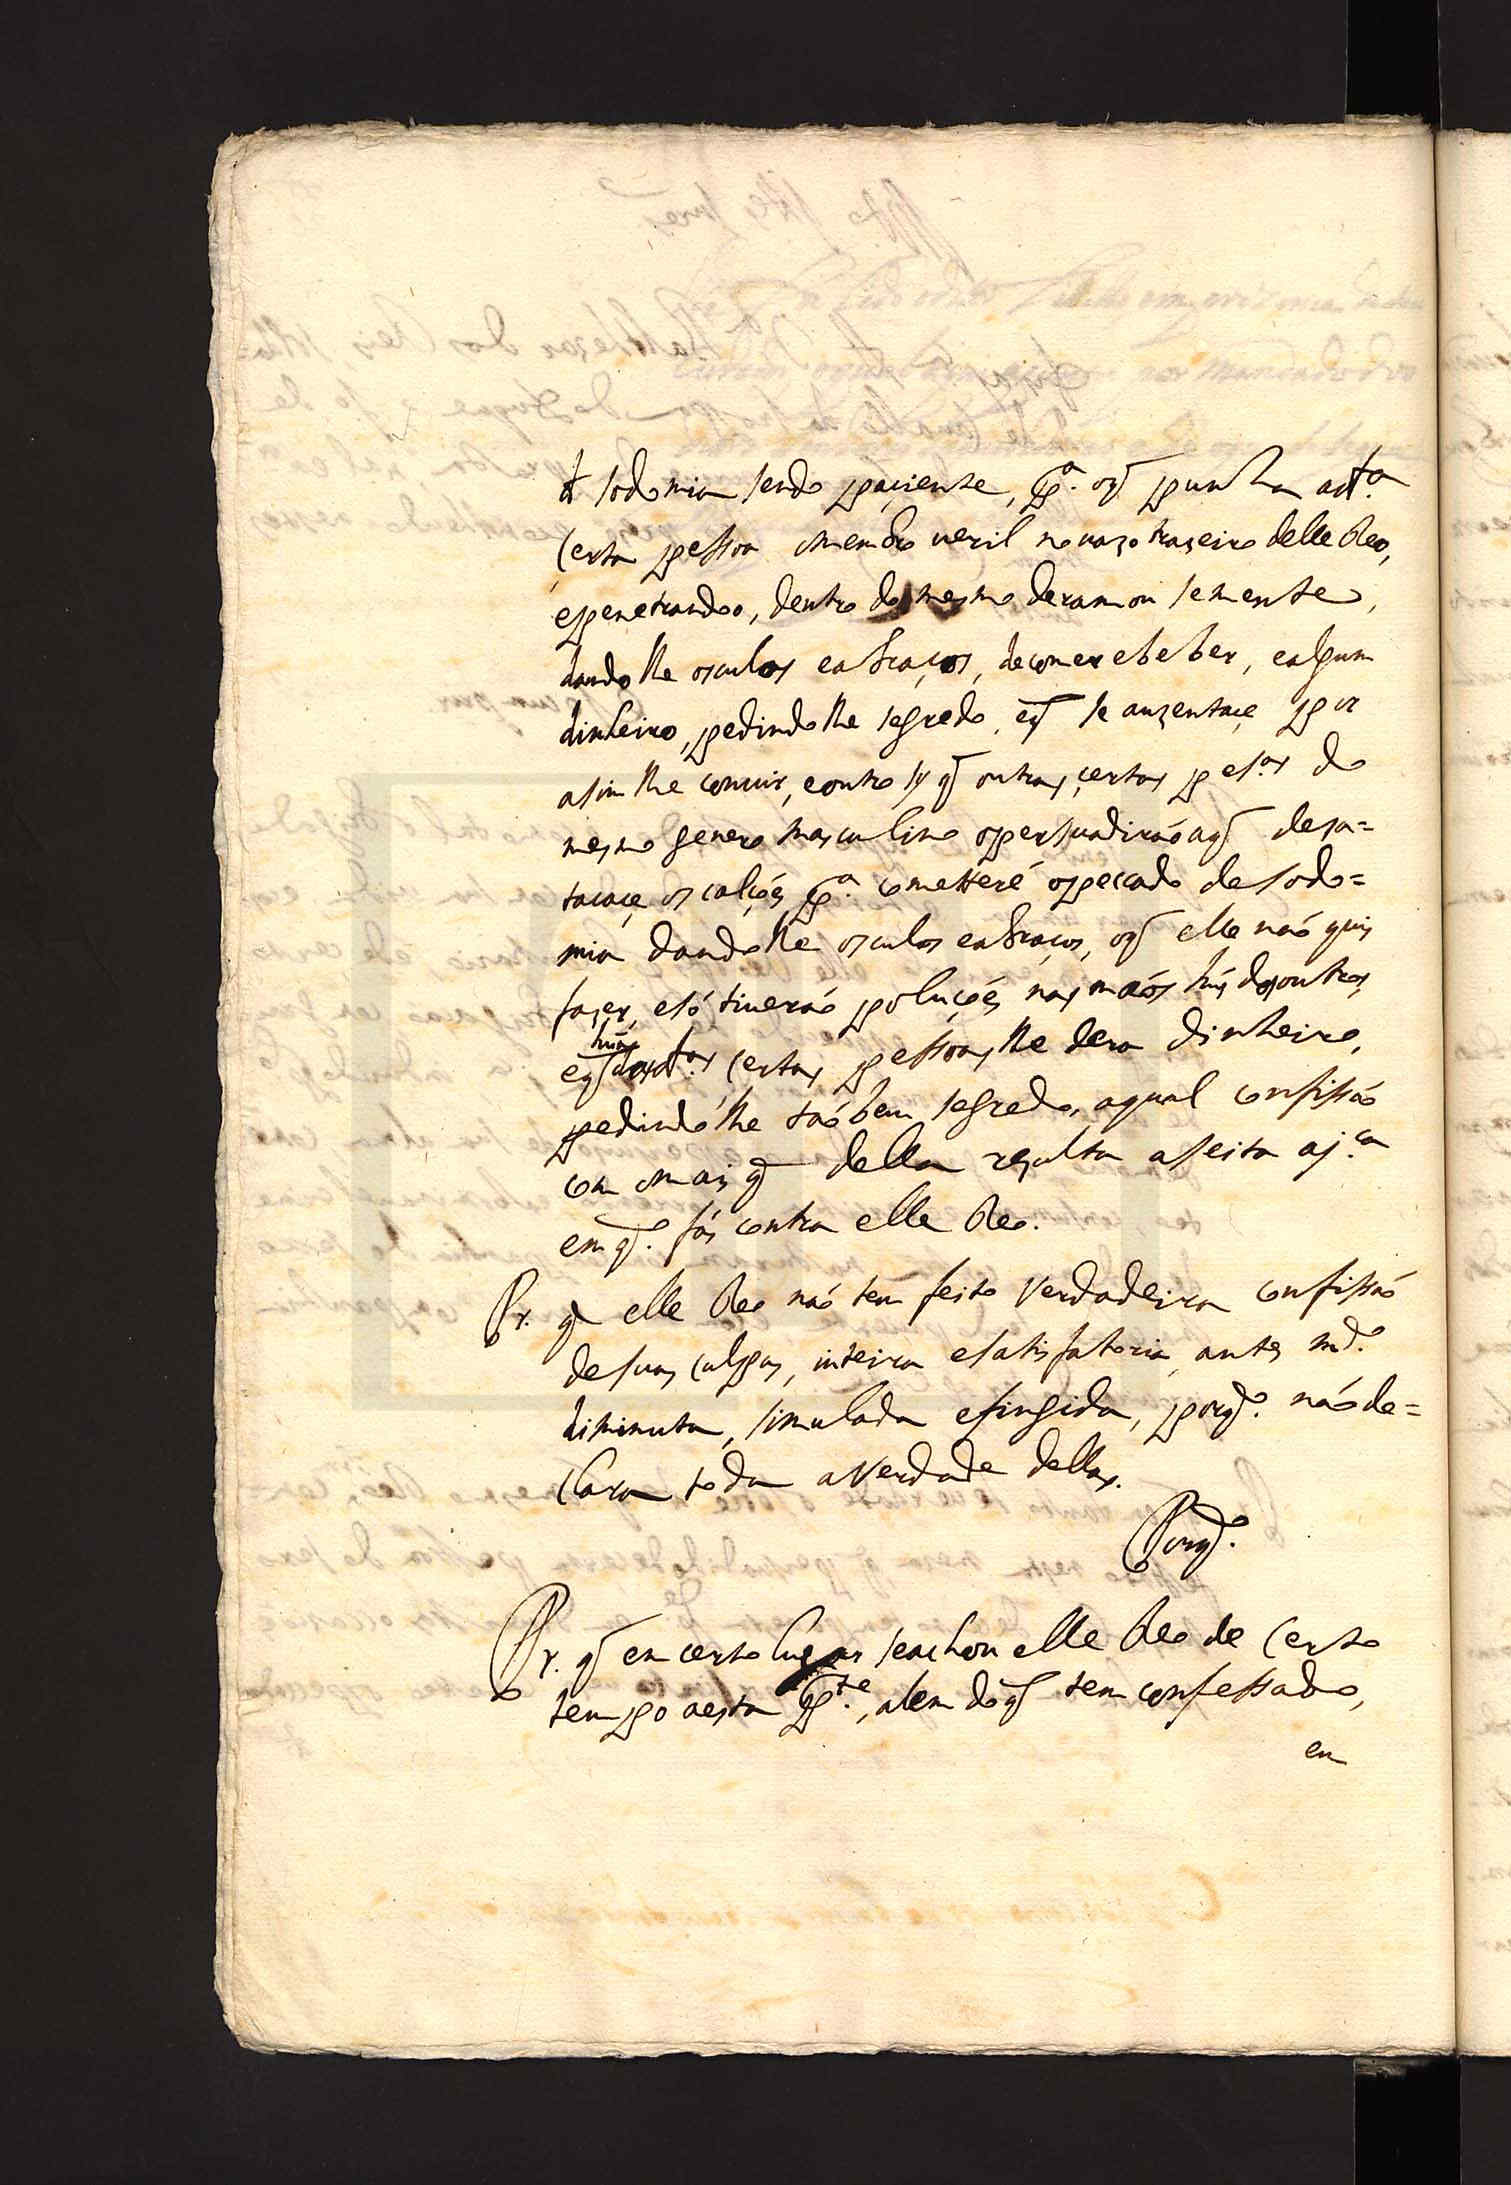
d̄ sodomia sendo paciente, p.a o q̄ punha a d̄a
Certa pessoa o membro ueril no uazo trazeiro delle Reo,
e penetrandoo, dentro do mesmo deramou semente,
dandolhe osculos e abraços, de comer e beber, e algum
dinheiro, pedindolhe segredo, e q̄ se auzentace por
asim lhe conuir, e outrosy q̄ outras certas pes.as do
mesmo genero masculino o persuadiraõ a q̄ deza
tacace os calçoẽs p.a cometterē o peccado de sodo
mia dandolhe osculos e abraços, o q̄ elle naõ quis
fazer, e só tiueraõ poluçoẽs nas maõs hūs dos outros
e q̄ das d̄.as certas pessoas lhe dera dinheiro,
huās
pedindolhe taõbem segredo, a qual confissaõ
com mais q̄ della rezulta aseita a j.ca
emqto fas contra elle Reo.
Pr. q̄ elle Reo naõ tem feito verdadeira confissaõ
de suas culpas, inteira e satisfatoria, antes mt.o
diminuta, simulada e fingida, porq.to naõ de
clara toda a verdade dellas.
Porq.to
Pr. q̄ em certo lugar se achou elle Reo de Certo
tempo a esta p.te, alem do q̄ tem confessado,
en
